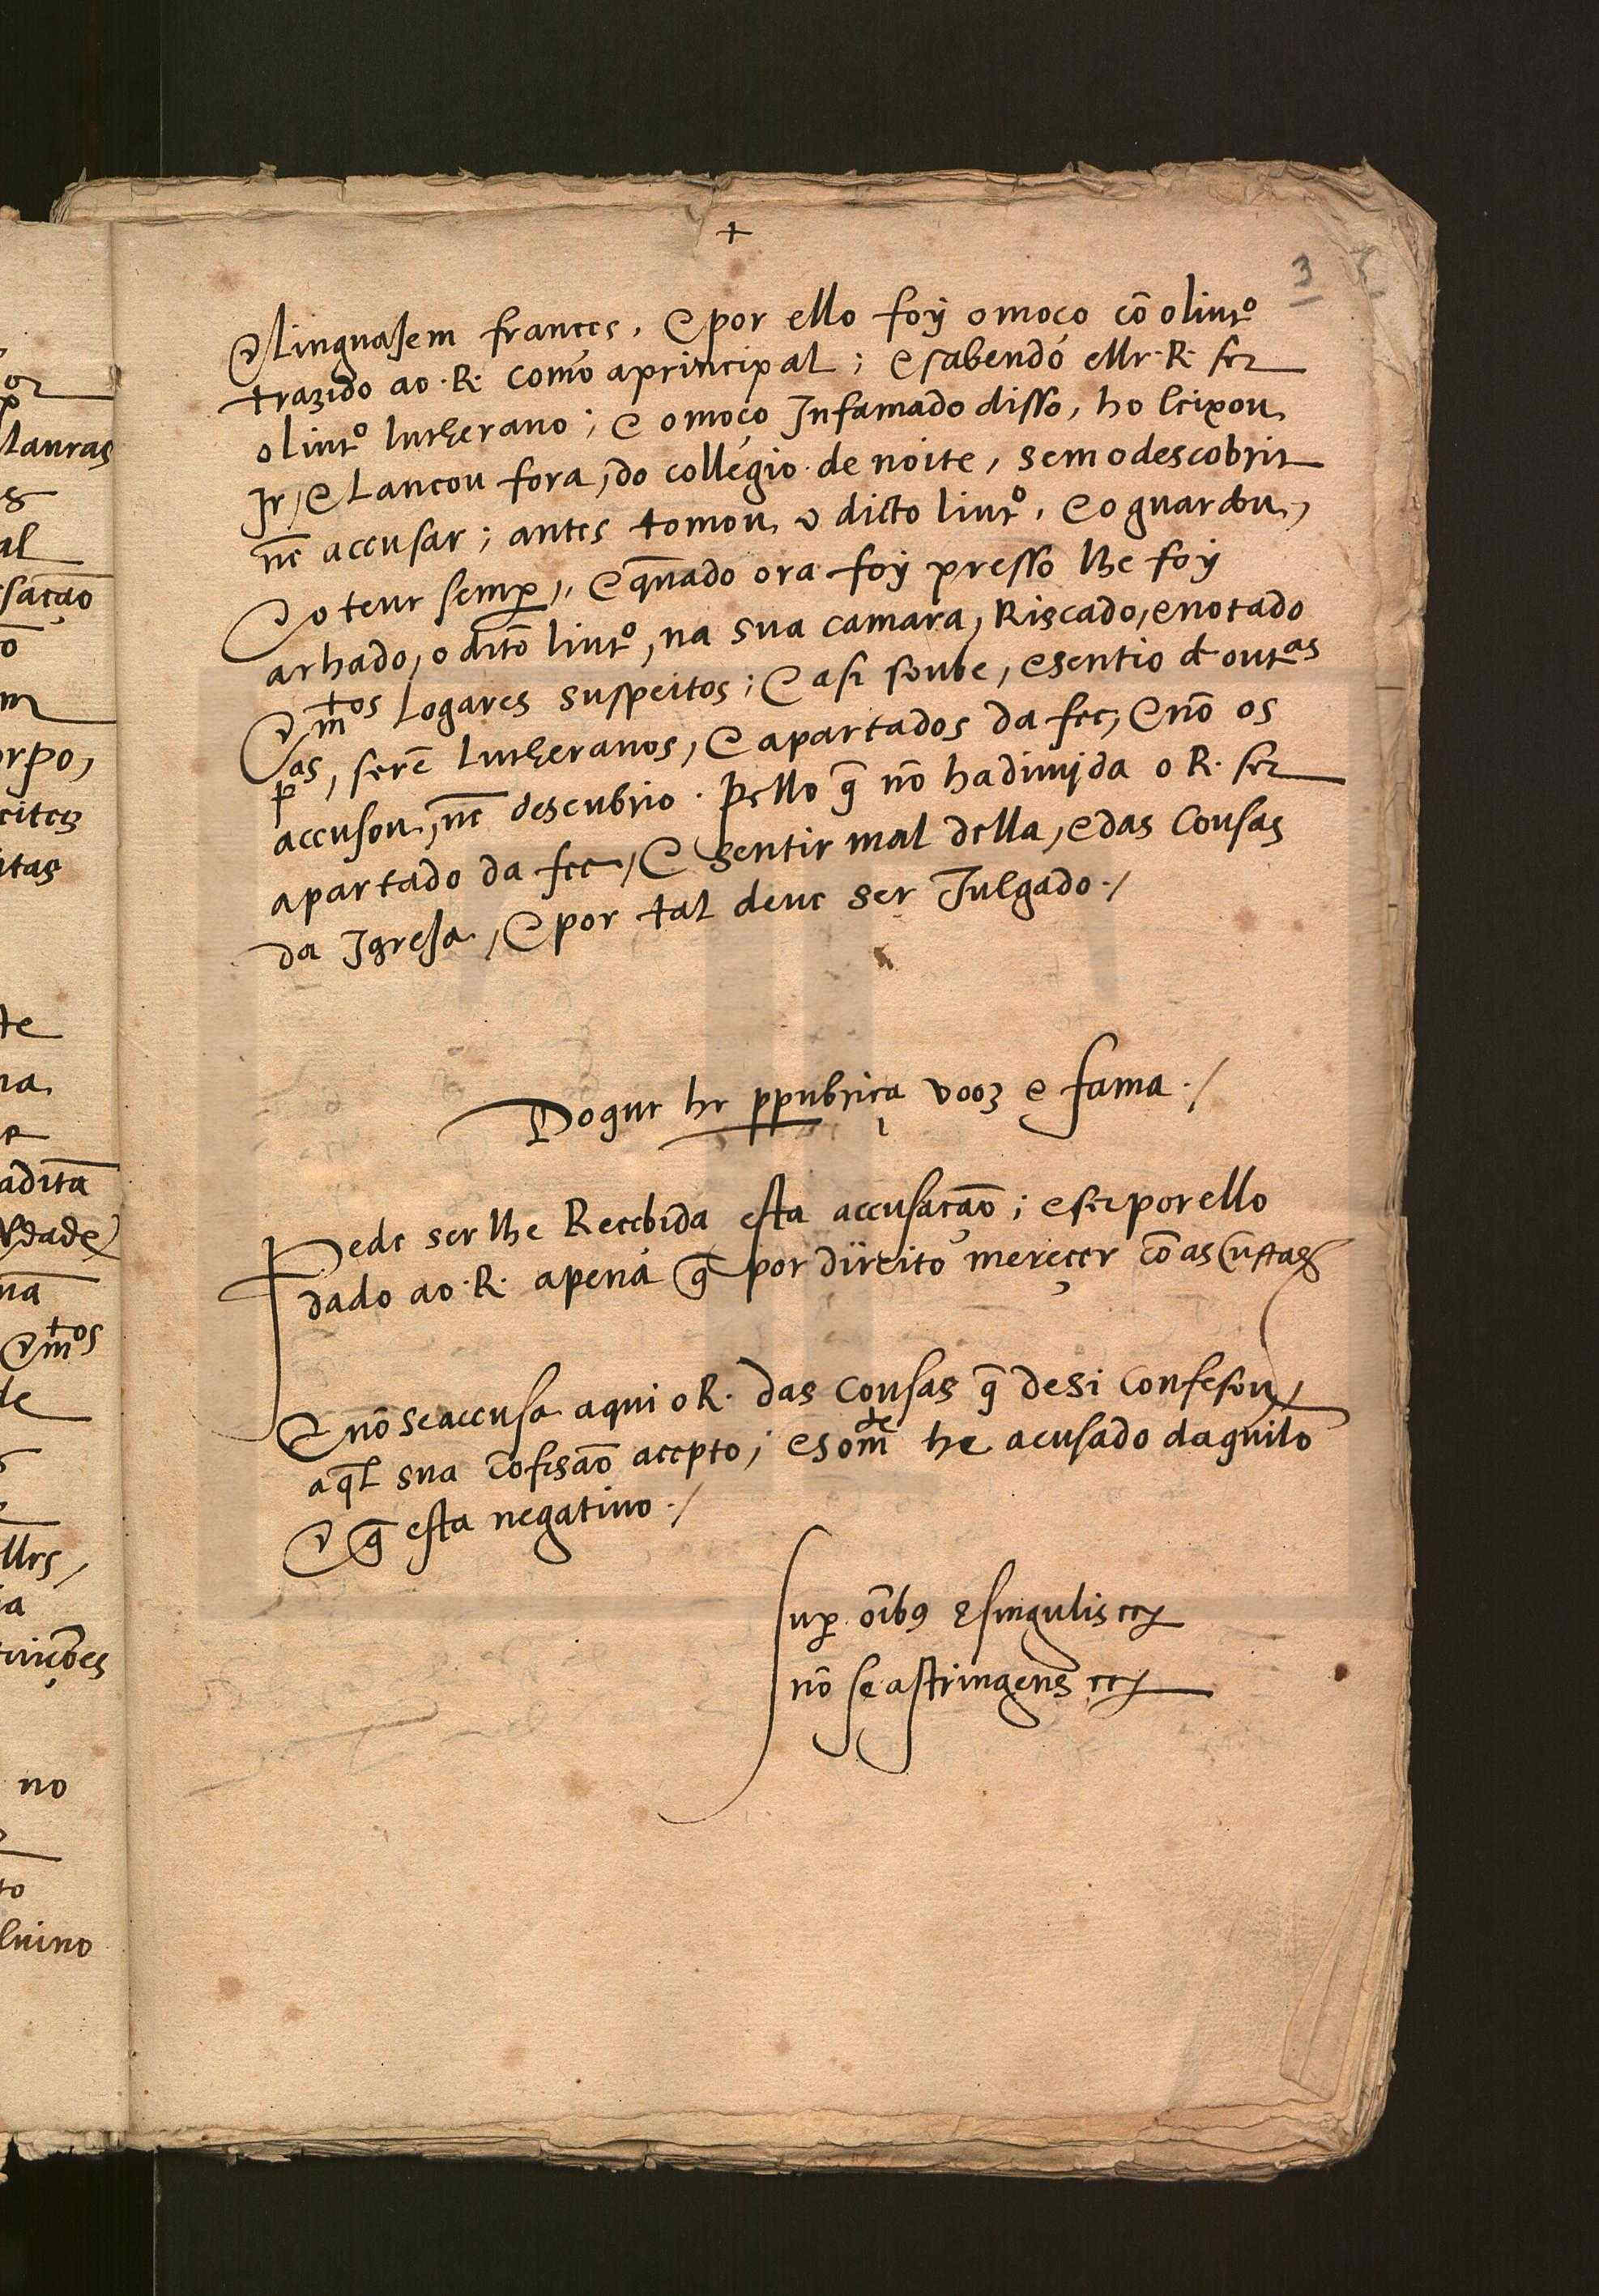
e̅ Linguajem françes, e por ello foy o moço co̅ o liuro
trazido ao .R. como a principaL; e sabendo elle .R. ser
o liuro lutherano; e o moço Jnfamado disso, ho leixou
Jr, e Lancou fora, do collegio de noite, sem o descobrir
ne̅ accusar; antes tomou o dicto liuro, e o guardou,
e o teue semꝑ, e q̅uado ora foy presso lhe foy
achado, o dito liuro, na sua camara, Riscado, e notado
e̅ mtos Logares suspeitos; e asi soube, e sentio de outas
pas, sere̅ Lutheranos, e apartados da fee, e no̅ os
accusou, n̅e descubrio. pello q̅ no̅ ha duujda o R. ser
apartado da fee, e sentir mal della, e das cousas
da Jgreja, e por tal deue ser Julgado./
Do que he ppubriça vooz e fama./
Pede ser lhe Reçebida esta accusação; e ser por ello
dado ao .R. a pena q̅ por direito mereçer c̅o as Custas
E no̅ se accusa aqui o R. das cousas q̅ de si confesou,
a q̅L sua c̅ofisão acepto; e somte he acusado daquilo
e̅ q̅ esta negatiuo./
